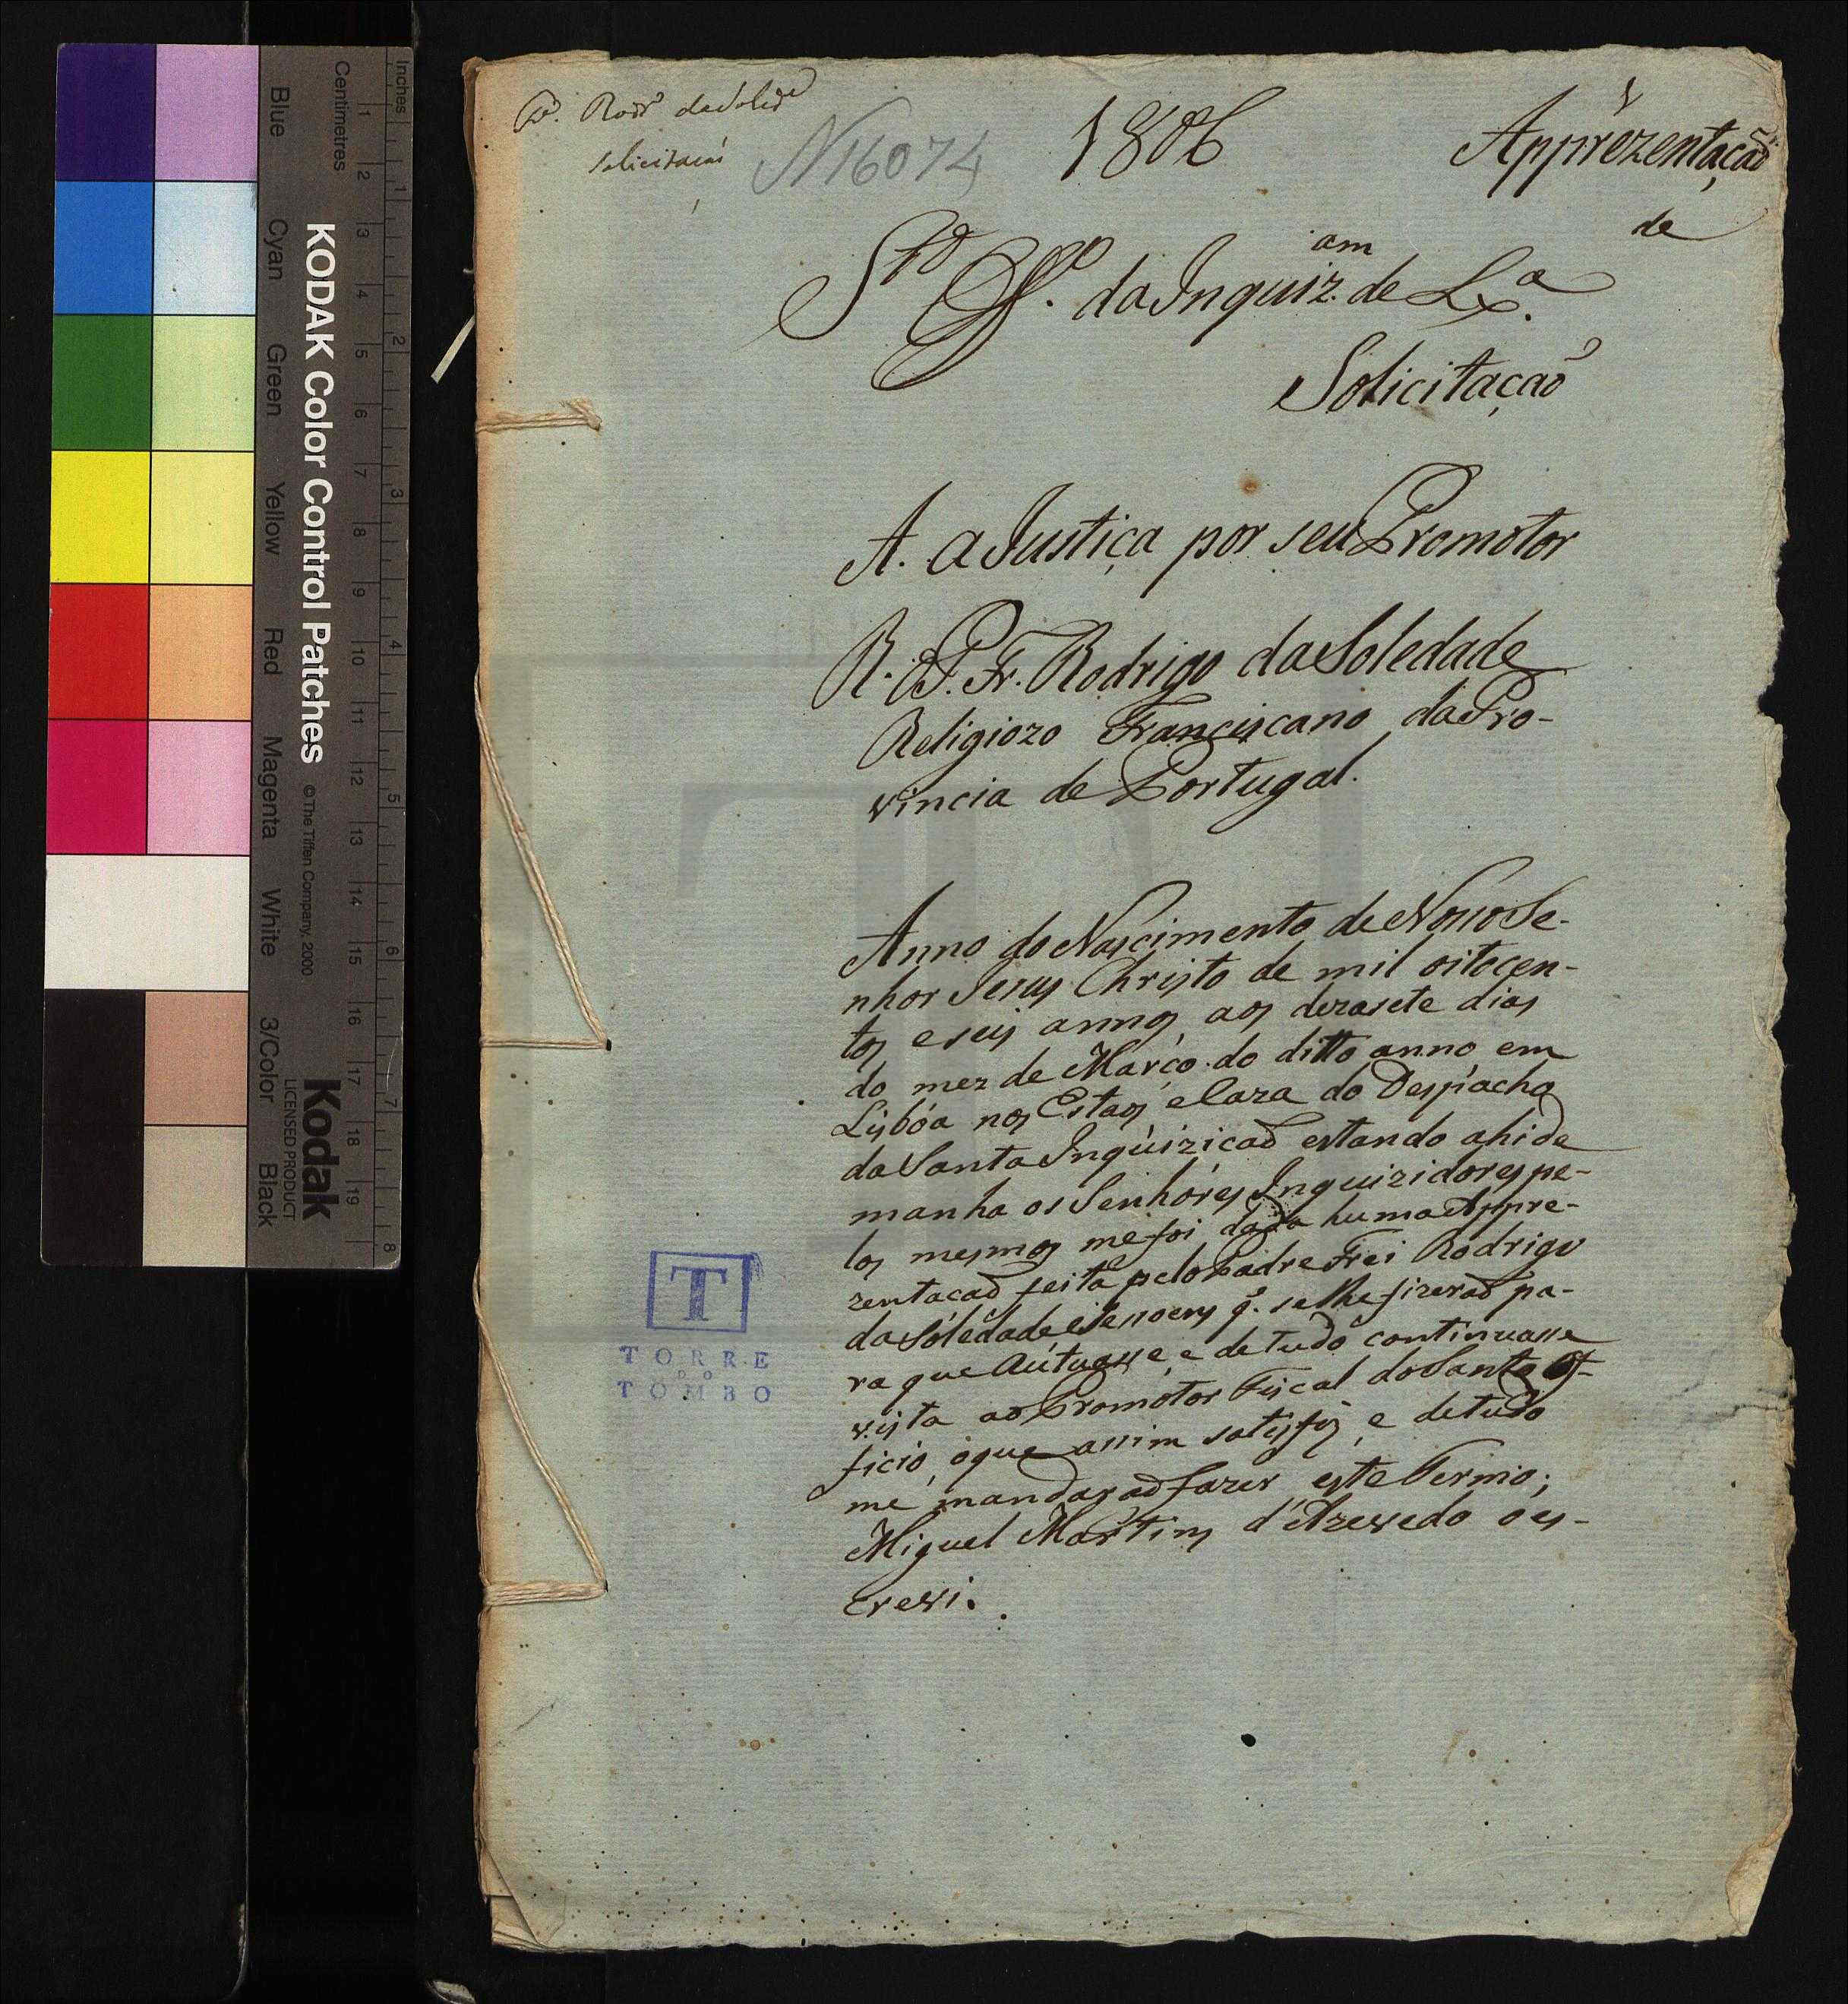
Fr. Rodro da Soled.e
1
solicitaçaõ
1806
Apprezentaçaõ
de
S.to Off.o da Inquiz.am de Lx.a
Solicitaçaõ
A. a Iustiça por seu Promotor
R. P. Fr. Rodrigo da Soledade
Religiozo Franciscano da Pro
vincia de Portugal.
Anno do Nascimento de Nosso Se
nhor Iesus Christo de mil oitocen
tos e seis annos, aos dezasete dias
do mez de Março do ditto anno, em
Lisbóa nos Estaos, e Caza do Despacho
da Santa Inquiziçaõ estando ahi de
manha os Senhores Inquizidores pe
los mesmos me foi dada huma Appre
zentaçaõ feita pelo Padre Frei Rodrigo
da Soledade e Sessoens q̄ se lhe fizeraõ pa
ra que autuasse, e de tudo continuasse
vista ao Promotor Fiscal do Santo Of
ficio, o que assim satisfez, e de tudo
me mandaraõ fazer este Termo;
Miguel Martins d'Azevedo o es
crevi.
